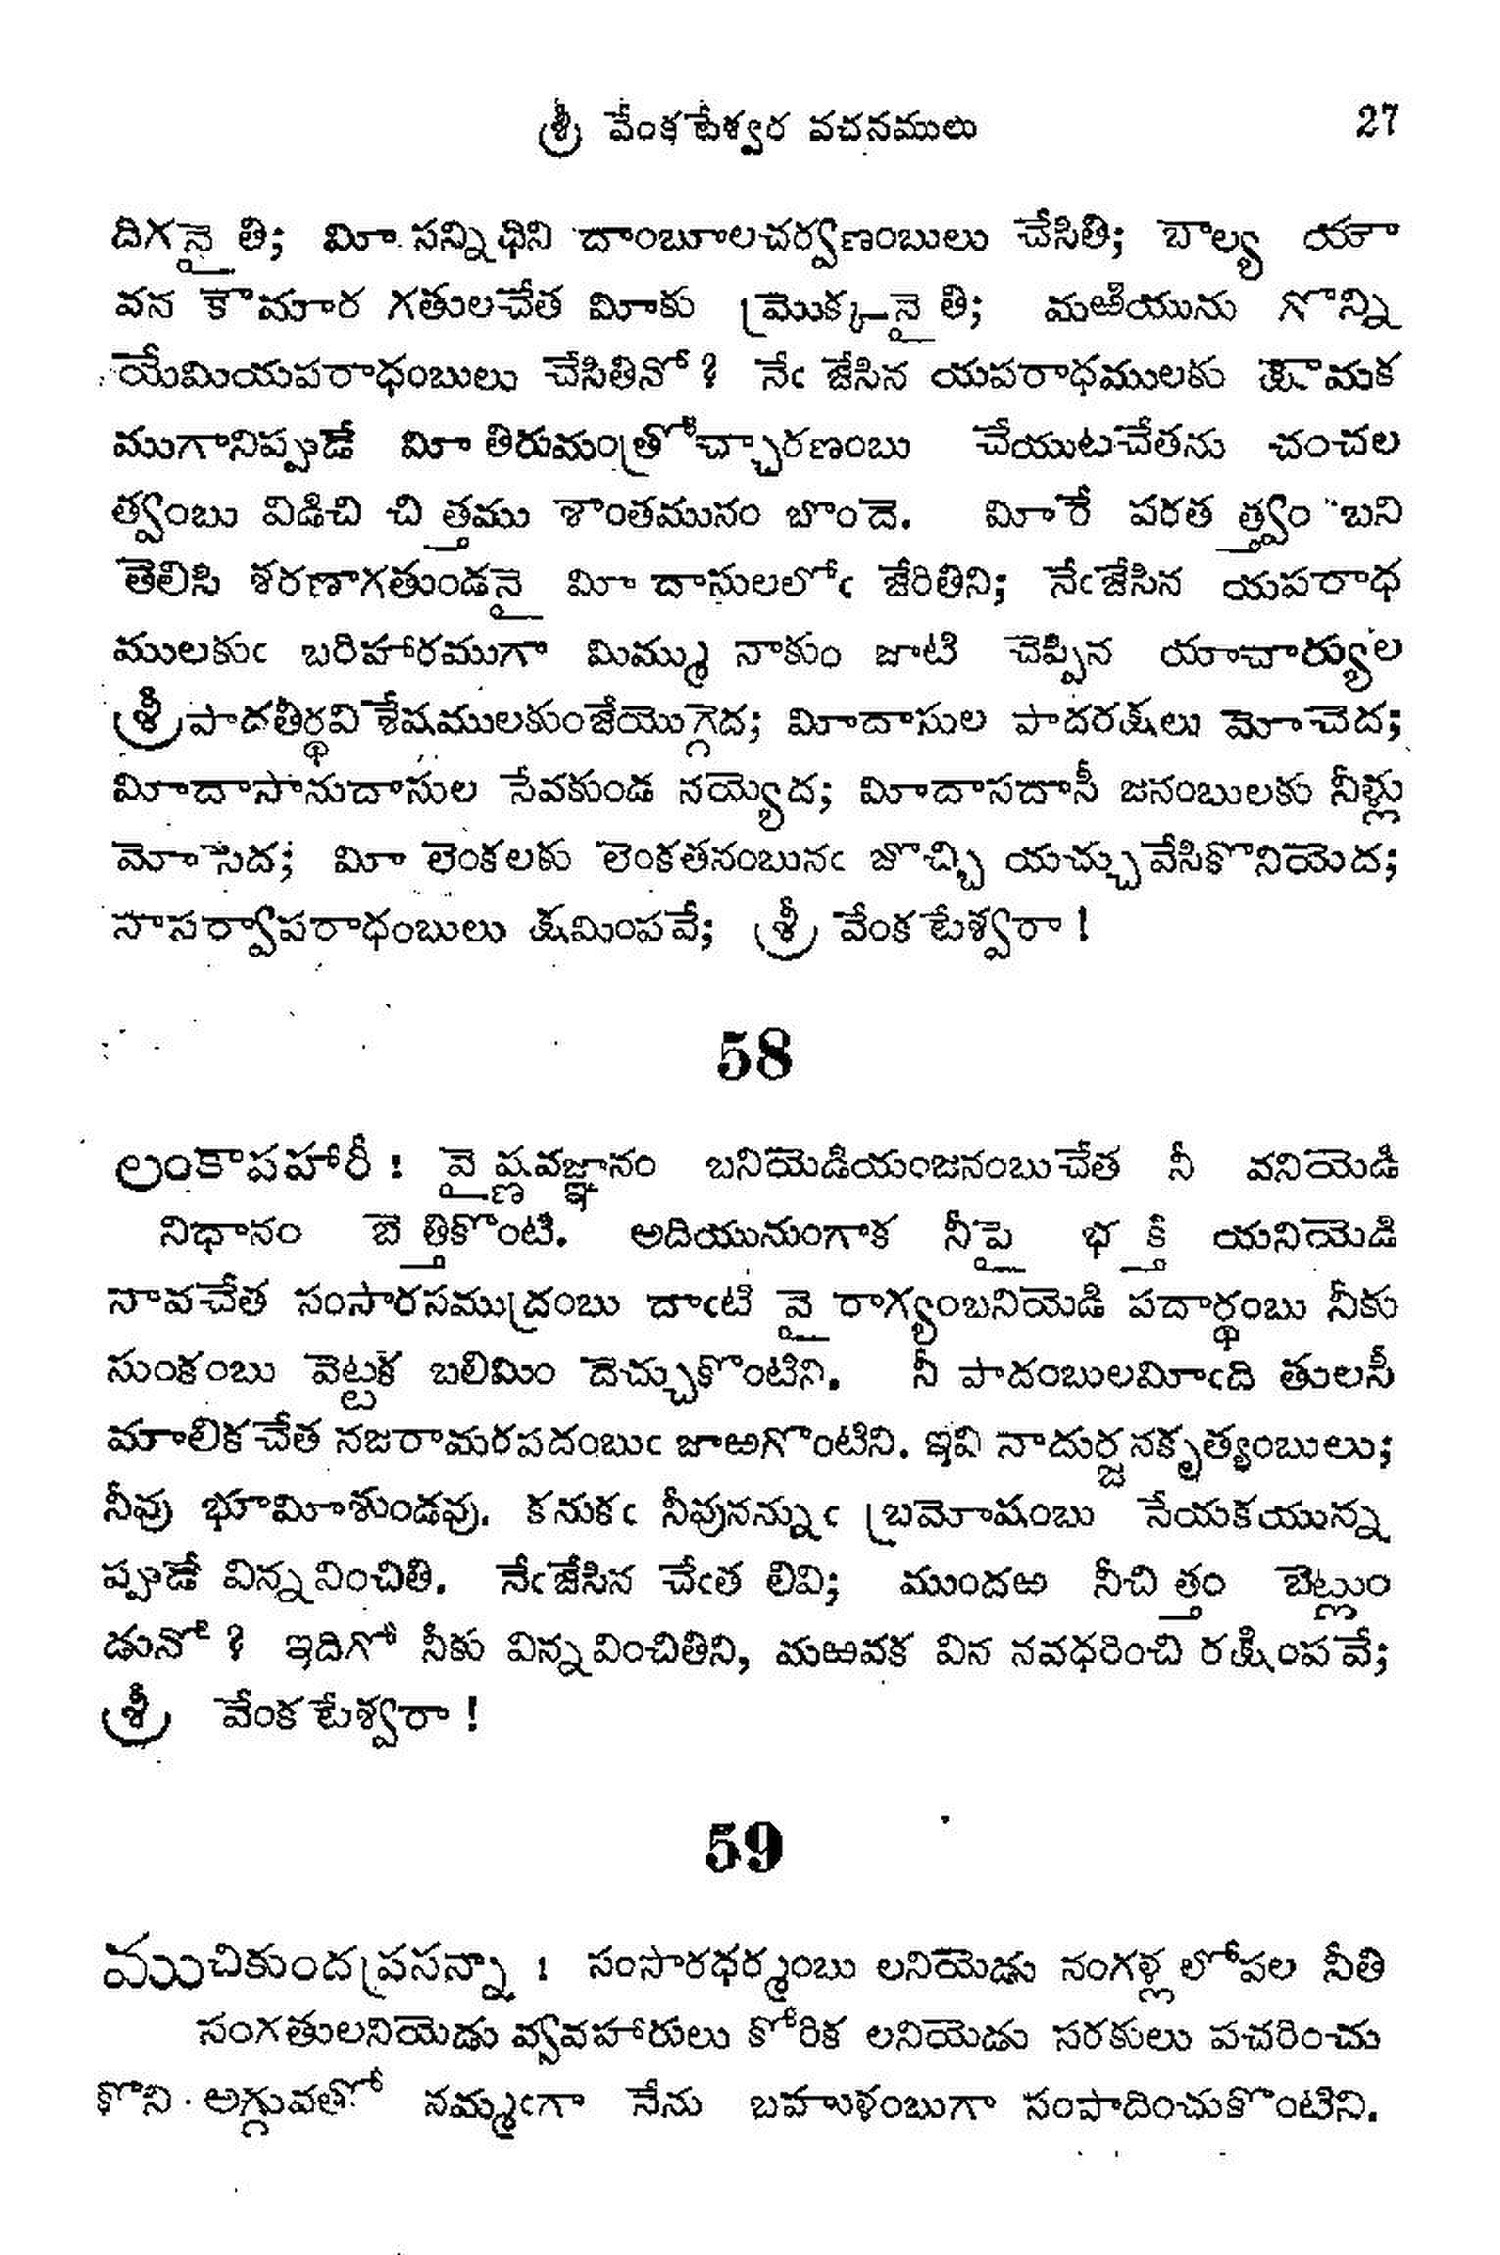దిగనైతి; మీ సన్నిథిని "దాంబూలచర్వణంబులు చేసితి; బాల్య యౌవన కౌమార గతులచేత మీకు మ్రొ క్కనైతి; మఱియును గొన్ని యేమియపరాధంబులు చేసితినో? నేఁ జేసిన యపరాధములకు క్షామక ముగానిప్పుడే మీ తిరుమంత్రోచ్చారణంబు చేయుటచేతను చంచలత్వంబు విడిచి చిత్తము 'శాంతమునం బొందె. మీరే పరతత్వం బని తెలిసి శరణాగతుండనై మీ దాసులలోఁ జేరితిని; నేఁజేసిన యపరాధ ములకుఁ బరిహారముగా మిమ్ము నాకుం జాటి చెప్పిన యాచార్యుల శ్రీపాదతీర్థవిశేషములకుంజేయొగ్గెద; మీదాసుల పాదరక్షలు మోచెద; మీదాసానుదాసుల సేవకుండ నయ్యెద; మీదాసదాసీ జనంబులకు నీళ్లు మోసెద; మీ లెంకలకు లెంకతనంబునఁ జొచ్చి యచ్చువేసికొనియెద; నాసర్వాపరాధంబులు క్షమింపవే; శ్రీ వేంకటేశ్వరా ! 

58 

 ! వైష్ణవజ్ఞానం బనియెడీయంజనంబు చేత నీ వనియెడి నిధానం బెత్తికొంటి అదియునుంగాక నీపై భక్తి యనియెడి నావచేత సంసార సముద్రంబు దాఁటి వైరాగ్యంబనియెడి పదార్థంబు నీకు సుంకంబు పెట్టక బలిమిం దెచ్చుకొంటిని. నీ పాదంబులమీఁది తులసీ మాలిక చేత నజరామరపదంబుఁ జాఱగొంటిని. ఇవి నాదుర్జనకృత్యంబులు; నీవు భూమీశుండవు. కనుకఁ నీవునన్నుఁ బ్రమోషంబు సేయకయున్నప్పుడే విన్నవించితి. నేఁ జేసిన చేత లివి; ముందు నీచిత్తం బెట్లుండునో? ఇదిగో నీకు విన్నవించితిని, మఱవక విన నవధరించి రక్షింపవే; శ్రీ వేంకటేశ్వరా !

59 

 ! సంసారధర్మంబు లనియెడు నంగళ్ల లోపల నీతి
సంగతులనియెడు వ్యవహారులు కోరిక లనియెడు సరకులు పచరించు కొని అగ్గువతో నమ్మఁగా నేను బహుళంబుగా సంపాదించుకొంటిని.